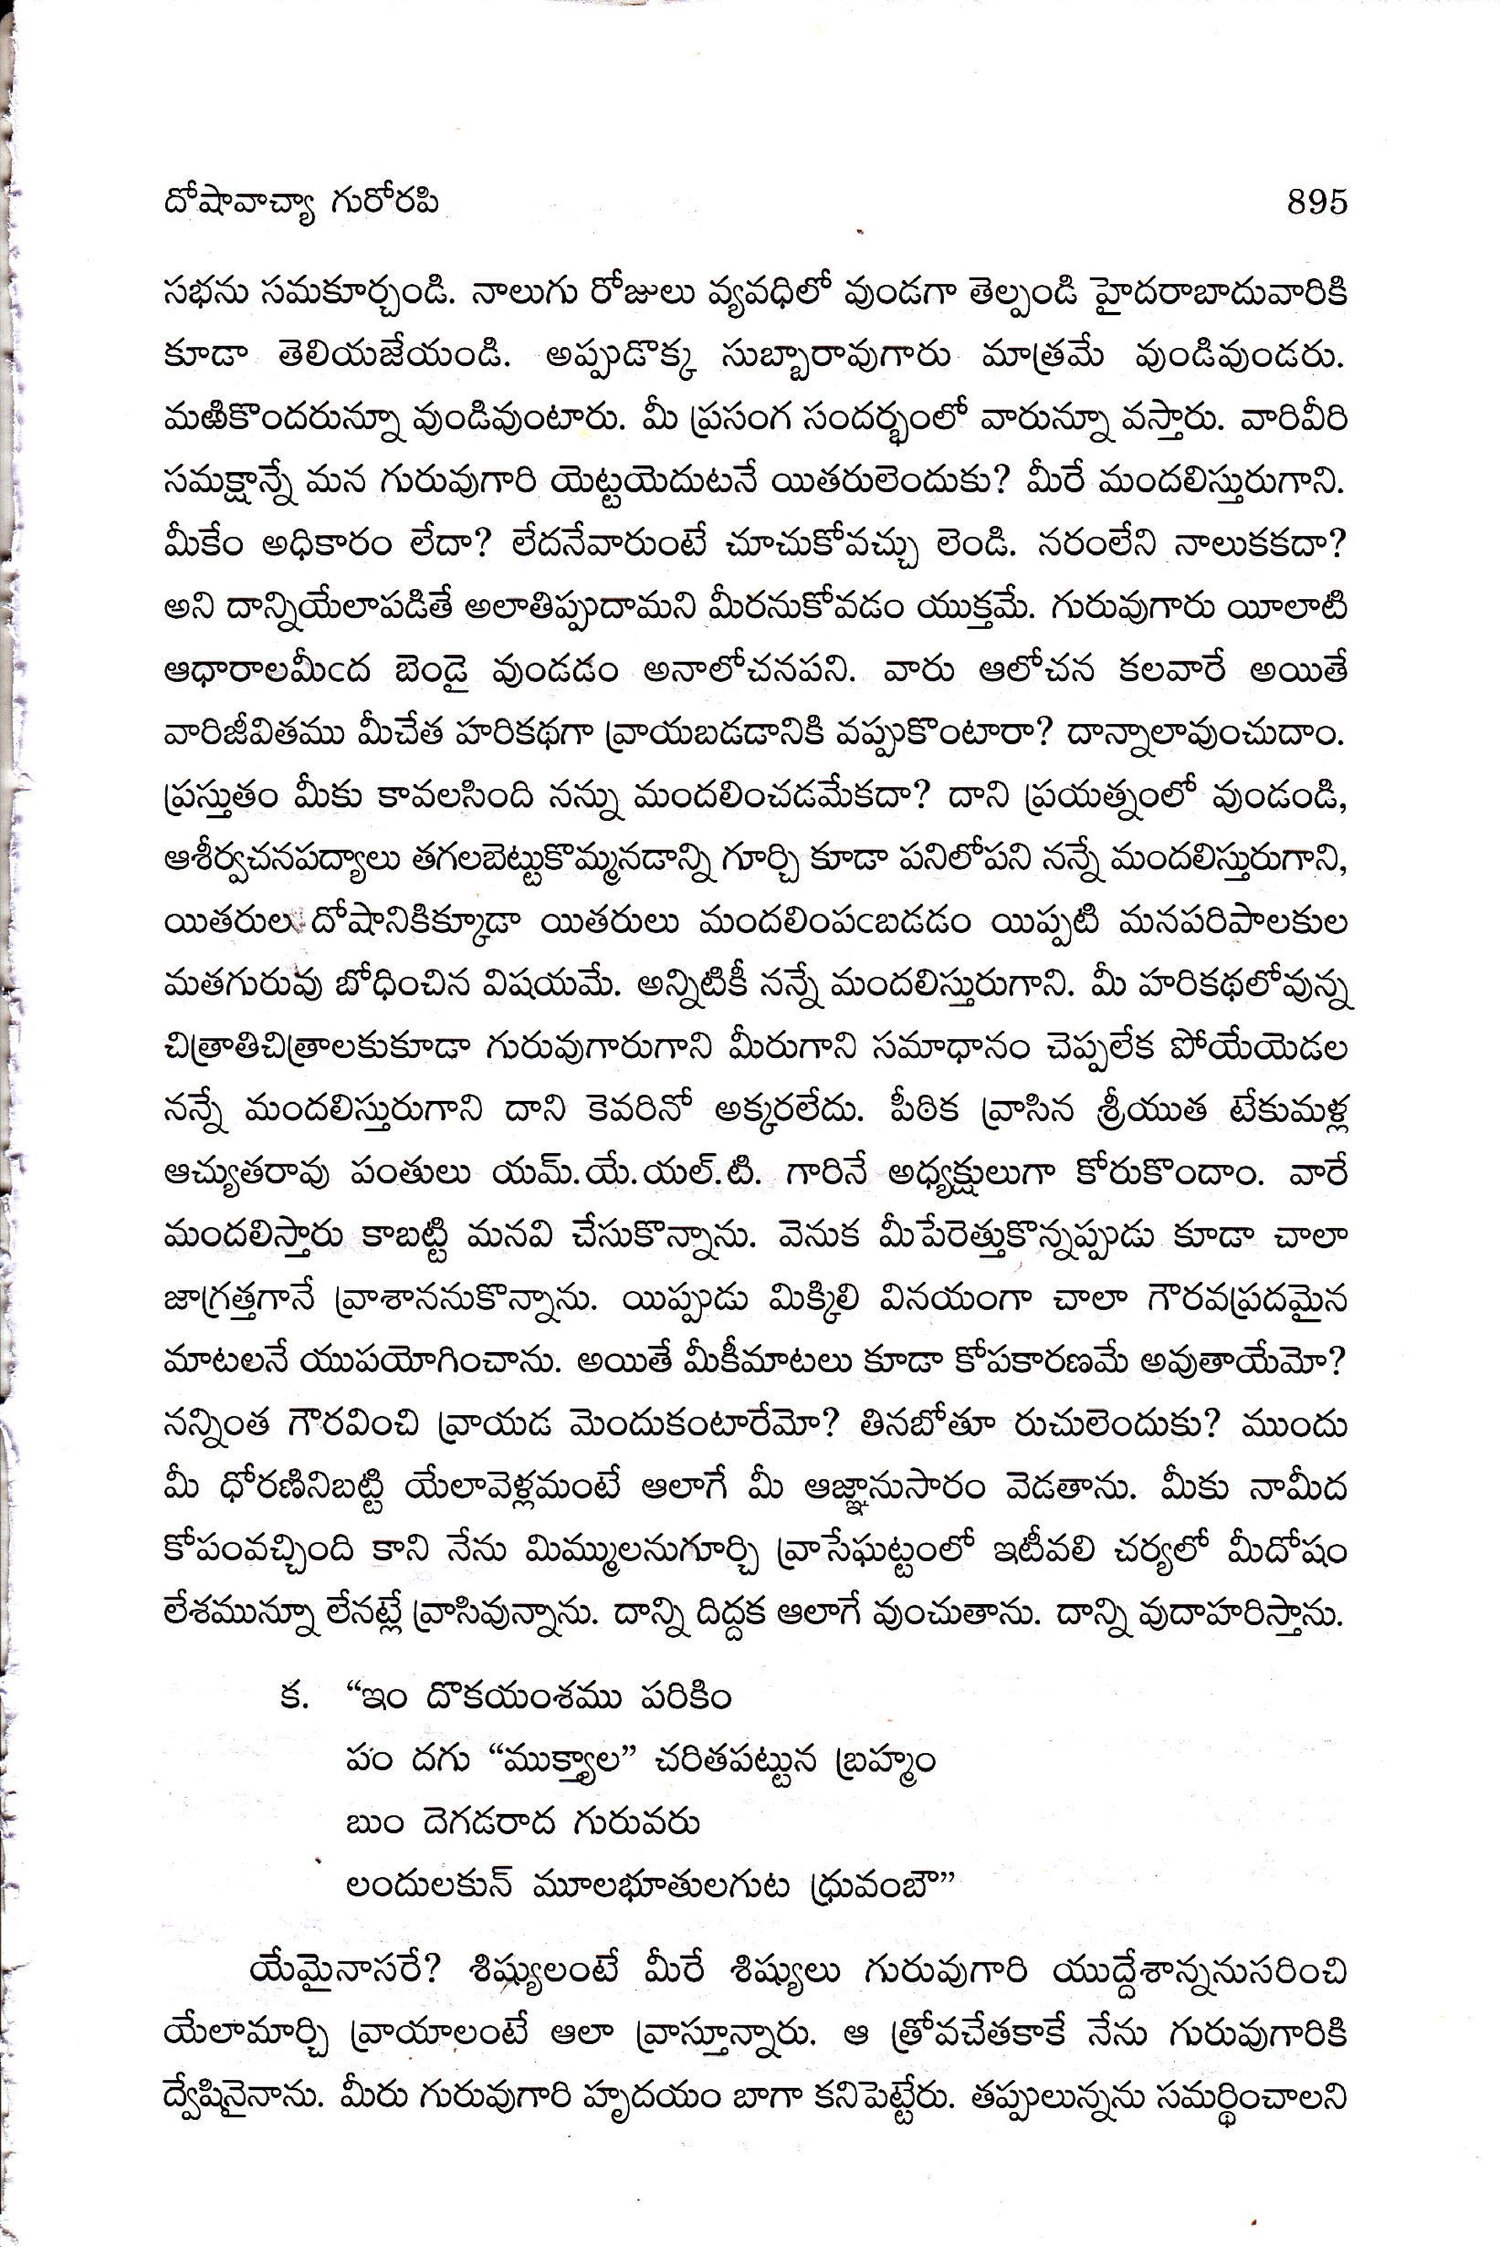సభను సమకూర్చండి. నాలుగు రోజులు వ్యవధిలో వుండగా తెల్పండి హైదరాబాదువారికి కూడా తెలియజేయండి. అప్పుడొక్క సుబ్బారావుగారు మాత్రమే వుండివుండరు. మఱికొందరున్నూ వుండివుంటారు. మీ ప్రసంగ సందర్భంలో వారున్నూ వస్తారు. వారివీరి సమక్షాన్నే మన గురువుగారి యెట్టయెదుటనే యితరులెందుకు? మీరే మందలిస్తురుగాని. మీకేం అధికారం లేదా? లేదనేవారుంటే చూచుకోవచ్చు లెండి. నరంలేని నాలుకకదా? అని దాన్నియేలాపడితే అలాతిప్పుదామని మీరనుకోవడం యుక్తమే. గురువుగారు యీలాటి ఆధారాలమీఁద బెండై వుండడం అనాలోచనపని. వారు ఆలోచన కలవారే అయితే వారిజీవితము మీచేత హరికథగా వ్రాయబడడానికి వప్పుకొంటారా? దాన్నాలావుంచుదాం. ప్రస్తుతం మీకు కావలసింది నన్ను మందలించడమేకదా? దాని ప్రయత్నంలో వుండండి, ఆశీర్వచనపద్యాలు తగలబెట్టుకొమ్మనడాన్ని గూర్చి కూడా పనిలోపని నన్నే మందలిస్తురుగాని, యితరుల దోషానికిక్కూడా యితరులు మందలింపఁబడడం యిప్పటి మనపరిపాలకుల మతగురువు బోధించిన విషయమే. అన్నిటికీ నన్నే మందలిస్తురుగాని. మీ హరికథలోవున్న చిత్రాతిచిత్రాలకుకూడా గురువుగారుగాని మీరుగాని సమాధానం చెప్పలేక పోయేయెడల నన్నే మందలిస్తురుగాని దాని కెవరినో అక్కరలేదు. పీఠిక వ్రాసిన శ్రీయుత టేకుమళ్ల ఆచ్యుతరావు పంతులు యమ్.యే.యల్.టి. గారినే అధ్యక్షులుగా కోరుకొందాం. వారే మందలిస్తారు కాబట్టి మనవి చేసుకొన్నాను. వెనుక మీపేరెత్తుకొన్నప్పుడు కూడా చాలా జాగ్రత్తగానే వ్రాశాననుకొన్నాను. యిప్పుడు మిక్కిలి వినయంగా చాలా గౌరవప్రదమైన మాటలనే యుపయోగించాను. అయితే మీకీమాటలు కూడా కోపకారణమే అవుతాయేమో? నన్నింత గౌరవించి వ్రాయడ మెందుకంటారేమో? తినబోతూ రుచులెందుకు? ముందు మీ ధోరణినిబట్టి యేలావెళ్లమంటే ఆలాగే మీ ఆజ్ఞానుసారం వెడతాను. మీకు నామీద కోపంవచ్చింది కాని నేను మిమ్ములనుగూర్చి వ్రాసేఘట్టంలో ఇటీవలి చర్యలో మీదోషం లేశమున్నూ లేనట్లే వ్రాసివున్నాను. దాన్ని దిద్దక ఆలాగే వుంచుతాను. దాన్ని వుదాహరిస్తాను.

క. "ఇం దొకయంశము పరికిం
 పం దగు “ముక్త్యాల" చరితపట్టున బ్రహ్మం 
 బుం దెగడరాద గురువరు 
 లందులకున్ మూలభూతులగుట ధ్రువంబౌ”
యేమైనాసరే? శిష్యులంటే మీరే శిష్యులు గురువుగారి యుద్దేశాన్ననుసరించి యేలామార్చి వ్రాయాలంటే ఆలా వ్రాస్తూన్నారు. ఆ త్రోవచేతకాకే నేను గురువుగారికి ద్వేషినైనాను. మీరు గురువుగారి హృదయం బాగా కనిపెట్టేరు. తప్పులున్నను సమర్థించాలని